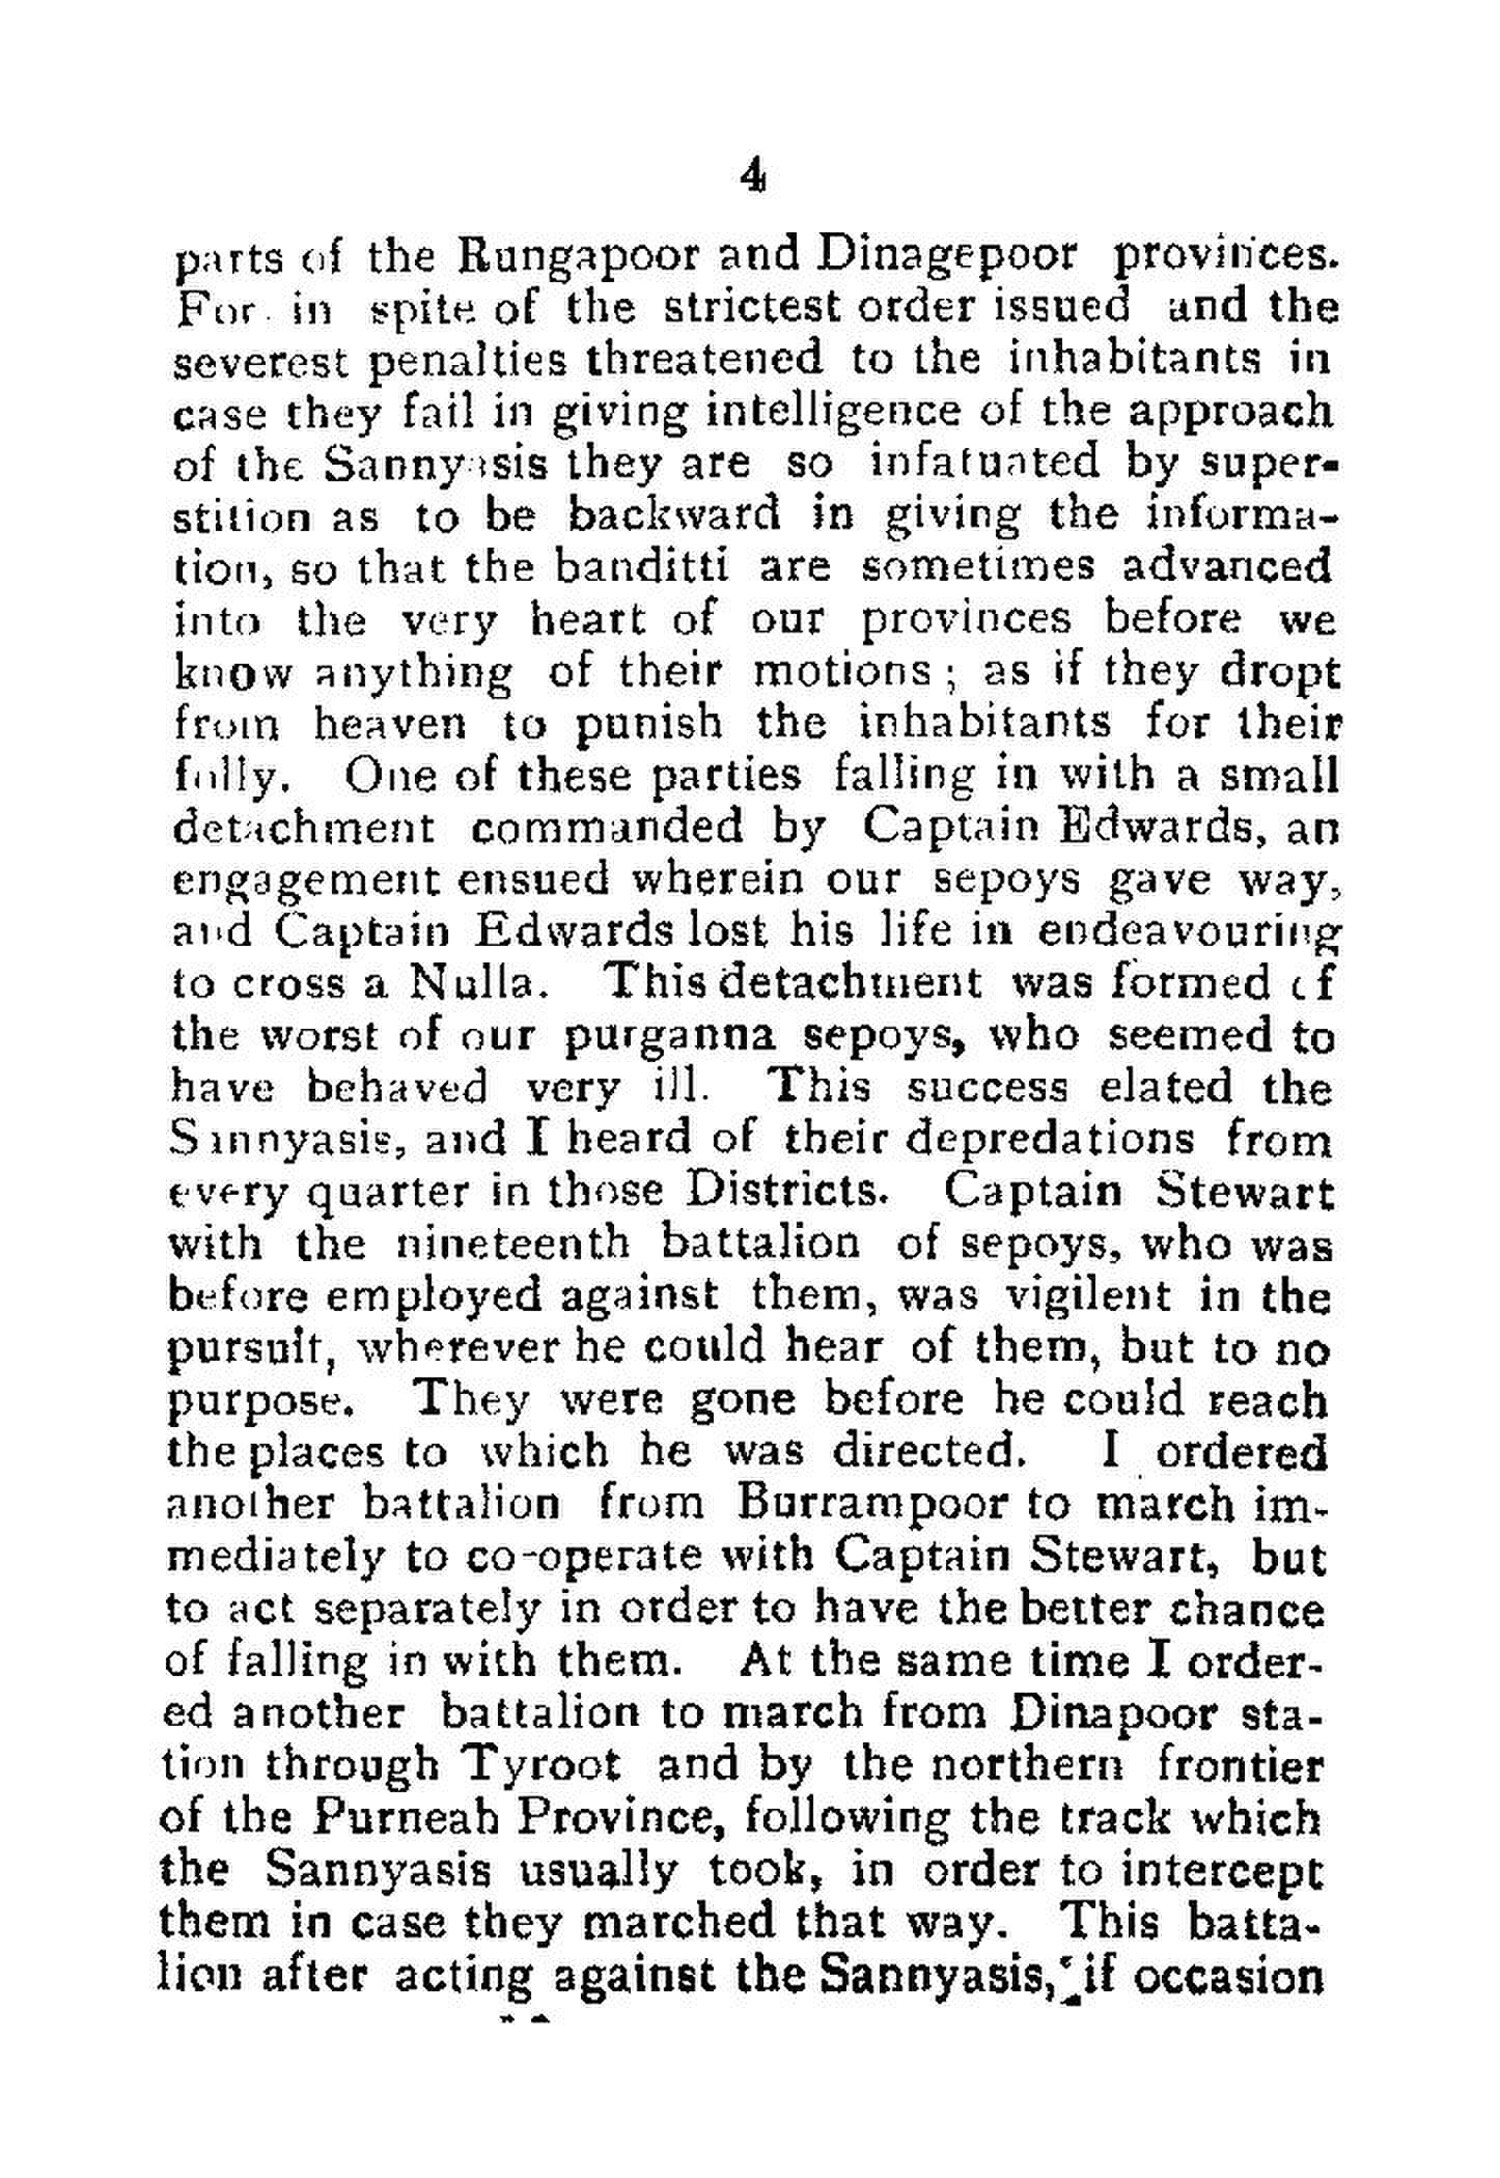parts of the Rungapoor and Dinagepoor provinces. For in spite of the strictest order issued and the severest penalties threatened to the inhabitants in case they fail in giving intelligence of the approach of the Sannyasis they are so infatuated by superstition as to be backward in giving the information, so that the banditti are sometimes advanced into the very heart of our provinces before we
know anything of their motions; as if they dropt from heaven to punish the inhabitants for their folly. One of these parties falling in with a small detachment commanded by Captain Edwards, an
engagement ensued wherein our sepoys gave way, and Captain Edwards lost his life in endeavouring to cross a Nulla. This detachment was formed if the worst of our purganna sepoys, who seemed to have behaved very ill. This success elated the Sannyasis, and I heard of their depredations from Every quarter in those Districts. Captain Stewart with the nineteenth battalion of sepoys, who was before employed against them, was vigilent in the pursuit, wherever he could hear of them, but to no purpose. They were gone before he could reach the places to which he was directed. I ordered another battalion from Burrampoor to march immediately to cooperate with Captain Stewart, but to act separately in order to have the better chance of falling in with them. At the same time I ordered another battalion to march from Dina poor station through Tyroot and by the northern frontier of the Purneah Province, following the track which the Sannyasis usually took, in order to intercept them in case they marched that way. This battalion after acting against the Sannyasis, if occasion